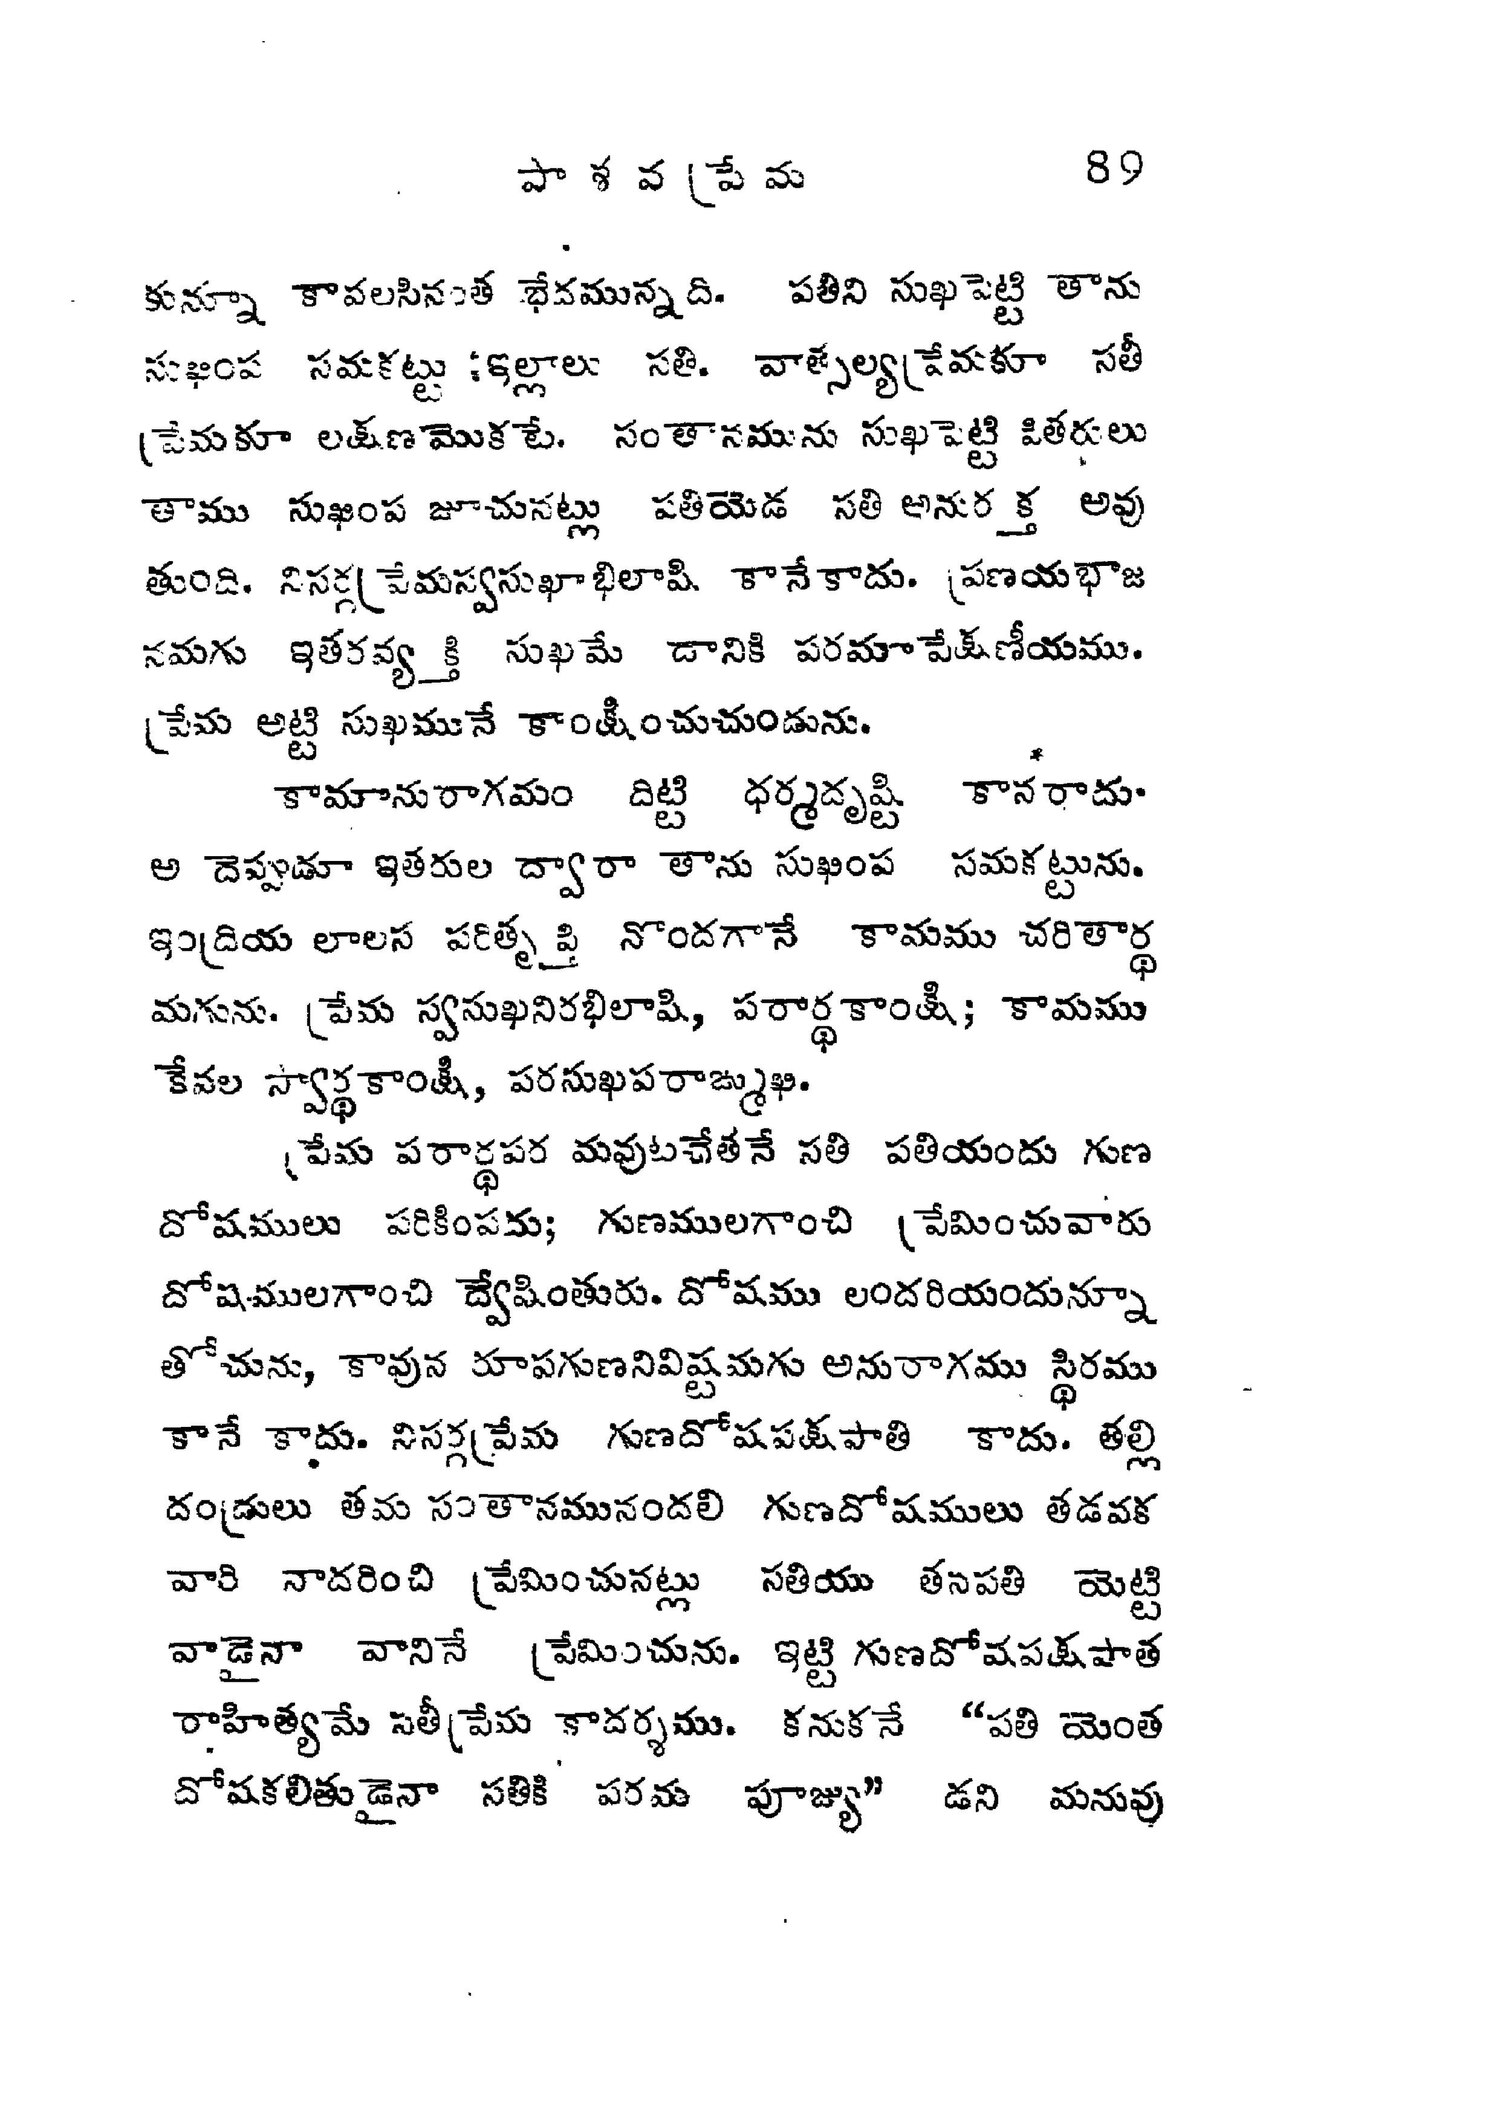కున్నూ కావలసినంత భేదమున్నది. పతిని సుఖపెట్టి తాను సుఖింప సమకట్టు; ఇల్లాలు సతి. వాత్సల్యప్రేమకూ సతీ ప్రేమకూ లక్షణమొకటే. సంతానమును సుఖపెట్టి పితరులు తాము సుఖింప జూచునట్లు పతియెడ సతి అనురక్త అవుతుంది. నిసర్గప్రేమస్వసుఖాభిలాషి కానేకాదు. ప్రణయభాజనమగు ఇతరవ్యక్తి సుఖమే దానికి పరమాపేక్షణీయము. ప్రేమ అట్టి సుఖమునే కాంక్షించుచుండును.

కామానురాగమం దిట్టి ధర్మదృష్టి కానరాదు. అ దెప్పుడూ ఇతరుల ద్వారా తాను సుఖింప సమకట్టును. ఇంద్రియ లాలస పరితృప్తి నొందగానే కామము చరితార్థమగును. ప్రేమ స్వసుఖనిఒరభిలాషి, పరార్థకాంక్షి; కామము కేవల స్వార్థకాంక్షి, పరసుఖపరాఙ్ముఖి.

ప్రేమ పరార్థపర మవుటచేతనే సతి పతియందు గుణదోషములు పరికింపదు; గుణములగాంచి ప్రేమించువారు దోషములగాంచి ద్వేషింతురు. దోషము లందరియందున్నూ తోచును, కావున రూపగుణనివిష్టమగు అనురాగము స్థిరము కానే కాదు. నిసర్గప్రేమ గుణదోషపక్షపాతి కాదు. తల్లి దండ్రులు తమ సంతానమునందలి గుణదోషములు తడవక వారి నాదరించి ప్రేమించునట్లు సతియు తనపతి యెట్టి వాడైనా వానినే ప్రేమించును. ఇట్టి గుణదోషపక్షపాత రాహిత్యమే సతీప్రేమ కాదర్శము. కనుకనే "పతి యెంత దోషకలితుడైనా సతికి పరమ పూజ్యు" డని మనువు